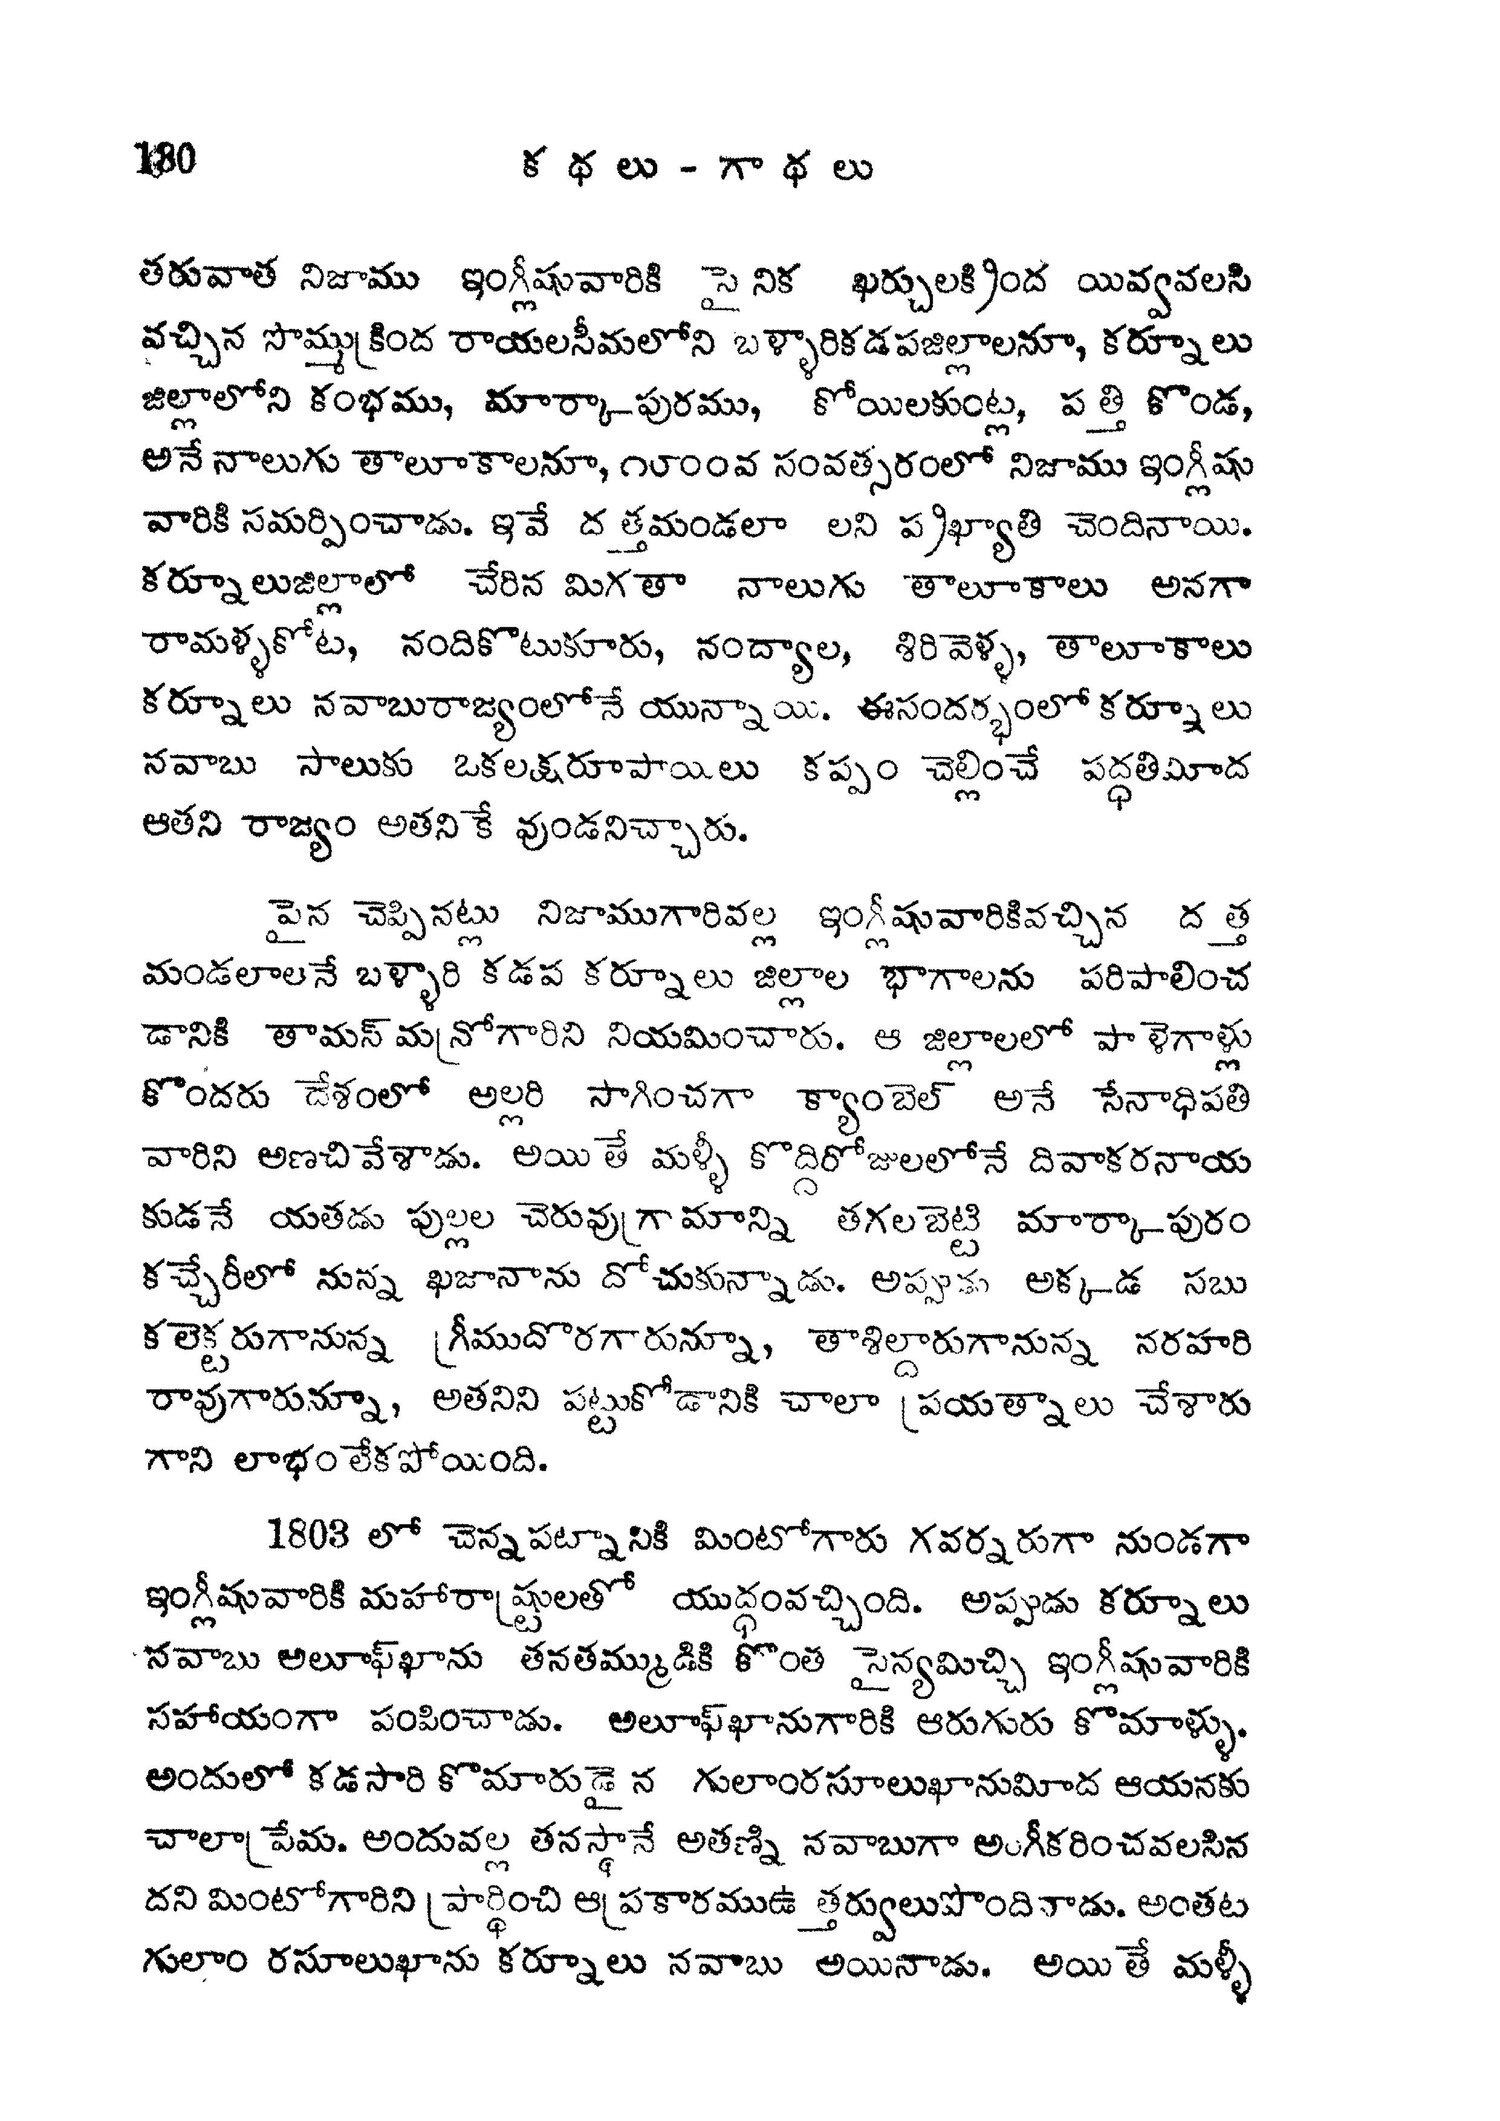తరువాత నిజాము ఇంగ్లీషువారికి సైనిక ఖర్చులక్రింద యివ్వవలసివచ్చిన సొమ్ముక్రింద రాయలసీమలోని బళ్లారికడపజిల్లాలనూ, కర్నూలు జిల్లాలోని కంభము, మర్కాపురము, కోయిలకుంట్ల, పత్తికొండ, అనే నాలుగు తాలూకాలనూ, 1800 వ సంవత్సరంలో నిజాము ఇంగ్లీషు వారికి సమర్పించాడు. ఇవే దత్తమండలా లని ప్రఖ్యాతి చెందినాయి కర్నూలుజిల్లాలో చేరిన మిగతా నాలుగు తాలూకాలు అనగా రామళ్ళకోట, నందికొటుకూరు, నంద్యాల, శిరివెళ్ళ, తాలూకాలు కర్నూలు నవాబురాజ్యంలోనే యున్నాయి. ఈ సందర్భంలో కర్నూలు నవాబు సాలుకు ఒకలక్షరూపాయలు కప్పం చెల్లించేపద్ధతిమీద అతని రాజ్యం అతనికే వుండనిచ్చారు.

పైన చెప్పినట్లు నిజాముగారివల్ల ఇంగ్లీషువారికిచ్చిన దత్తమండలాలనె బళ్ళారి కడప కర్నూలు జిల్లాల భాగాలను పరిపాలించడానికి తామస్ మన్రోగారిని నియమించారు. ఆ జిల్లాలలో పాలెగాళ్లు కొందరు దేశంలో అల్లరి సాగించగా క్యాంబెల్ అనే సేనాధిపతి వారిని అణచివేశాడు. అయితే మళ్ళీ కొద్దిరోజులలోనే దివాకరనాయకుడనే యతడు పుల్లల చెరువుగ్రామాన్ని తగలబెట్టి మార్కాపురం కచ్చేరీలో నున్న ఖజానాను దోచుకున్నాడు. అప్పుడు అక్కడ సబు కలెక్టరుగా నున్న గ్రీముదొరగారున్నూ, తాశిల్దారుగానున్న నరహరిరావుగారున్నూ, అతనిని పట్టుకొవడానికి చాలా ప్రయత్నాలు చేశారు గాని లాభంలేకపోయింది.

1800 లో చెన్నపట్నానికి మింటోగారు గవర్నరుగా నుండగా ఇంగ్లీషువారికి మహారాష్ట్రులతో యుద్ధంవచ్చింది. అప్పుడు కర్నూలు నవాబు ఆలూఫ్ ఖాను తన్మతమ్ముడికి కొంత సైన్యమిచ్చి ఇంగ్లీషువారికి సహాయముగా పంపించాడు. ఆలూఫ్ ఖానుగారికి ఆరుగురు కొమాళ్ళు, అందులో కడసారి కొమరుడైన గులాంరసూలుఖానుమీద ఆయనకు చాలాప్రేమ, అందువల్ల తనస్థానే అతణ్ని నవాబుగా అంగీకరించవలసిదని మింటోవారిని ప్రార్ధించి ఆ ప్రకారము ఉత్తర్వులు పొందినాడు. అంతట గులాం రసూలుఖాను కర్నూలు నవాబు అయినాడు. అయితే మళ్ళీ